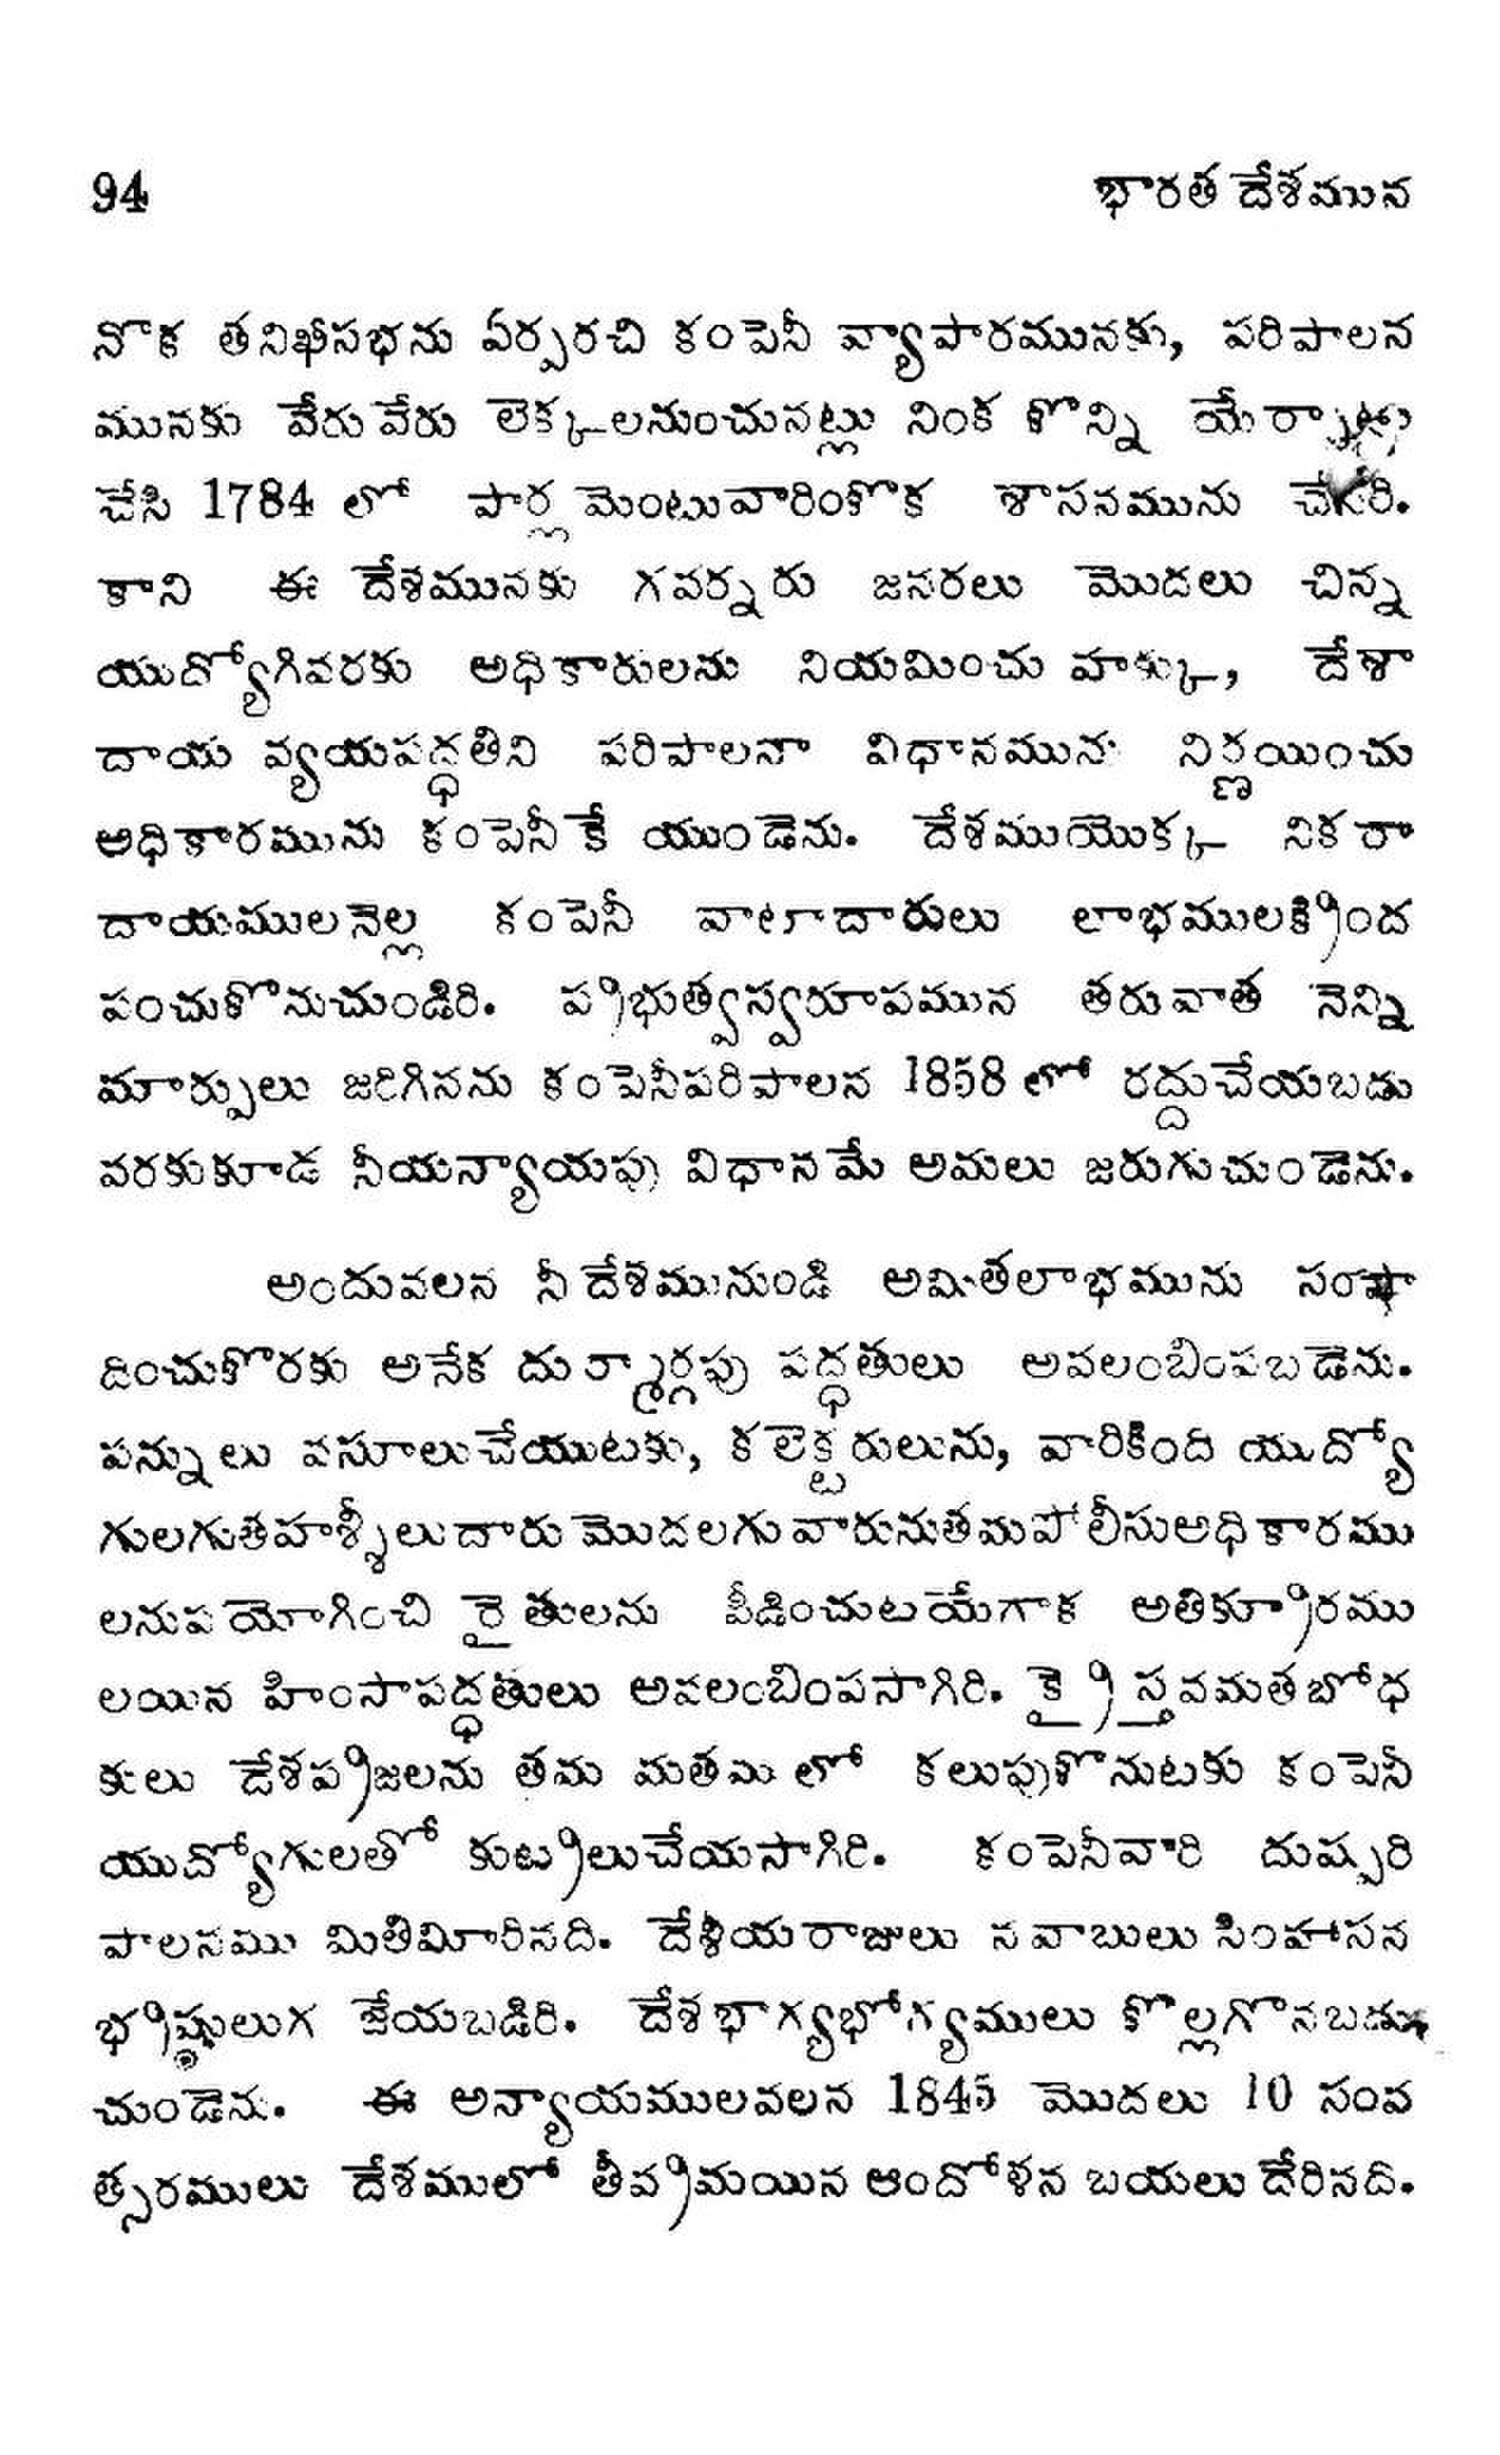నొక తనిఖీసభను ఏర్పరచి కంపెనీ వ్యాపారమునకు, పరిపాలనమునకు వేరు వేరు లెక్కలనుంచునట్లు నింక కొన్ని యేర్పాట్లు చేసి 1784 లో పార్లమెంటువారింకొక శాసనమును చేసరి. కాని ఈ దేశమునకు గవర్నరు జనరలు మొదలు చిన్న యుద్యోగివరకు అధికారులను నియమించు హక్కు, దేశాదాయ వ్యయపద్ధతిని పరిపాలనా విధానమున నిర్ణయించు అధికారమును కంపెనీ కే యుండెను. దేశముయొక్క నికరాదాయములనెల్ల కంపెనీ వాటాదారులు లాభములక్రింద పంచుకొనుచుండిరి. ప్రభుత్వస్వరూపమున తరువాత నెన్ని మార్పులు జరిగినను కంపెనీపరిపాలన 1858 లో రద్దుచేయబడు వరకుకూడ నీయన్యాయపు విధానమే అమలు జరుగుచుండెను.

అందువలన నీ దేశమునుండి అమితలాభమును సంపాదించుకొరకు అనేక దుర్మార్గపు పద్ధతులు అవలంబింపబడెను. పన్నులు వసూలుచేయుటకు, కలెక్టరులును, వారికింది యుద్యోగులగుతహశ్శీలుదారు మొదలగువారును తమపోలీసు అధికారములనుపయోగించి రైతులను పీడించుటయేగాక అతిక్రూరము లయిన హింసాపద్ధతులు అవలంబింపసాగిరి. క్రైస్తవమతబోధకులు దేశప్రజలను తమ మతములో కలుపుకొనుటకు కంపెనీ యుద్యోగులతో కుట్రలుచేయసాగిరి. కంపెనీవారి దుష్పరిపాలనము మితిమీరినది. దేశీయరాజులు నవాబులు సింహాసన భ్రష్టులుగ జేయబడిరి. దేశభాగ్యభోగ్యములు కొల్లగొనబడు చుండెను. ఈ అన్యాయములవలన 1845 మొదలు 10 సంవత్సరములు దేశములో తీవ్రమయిన ఆందోళన బయలు దేరినది.